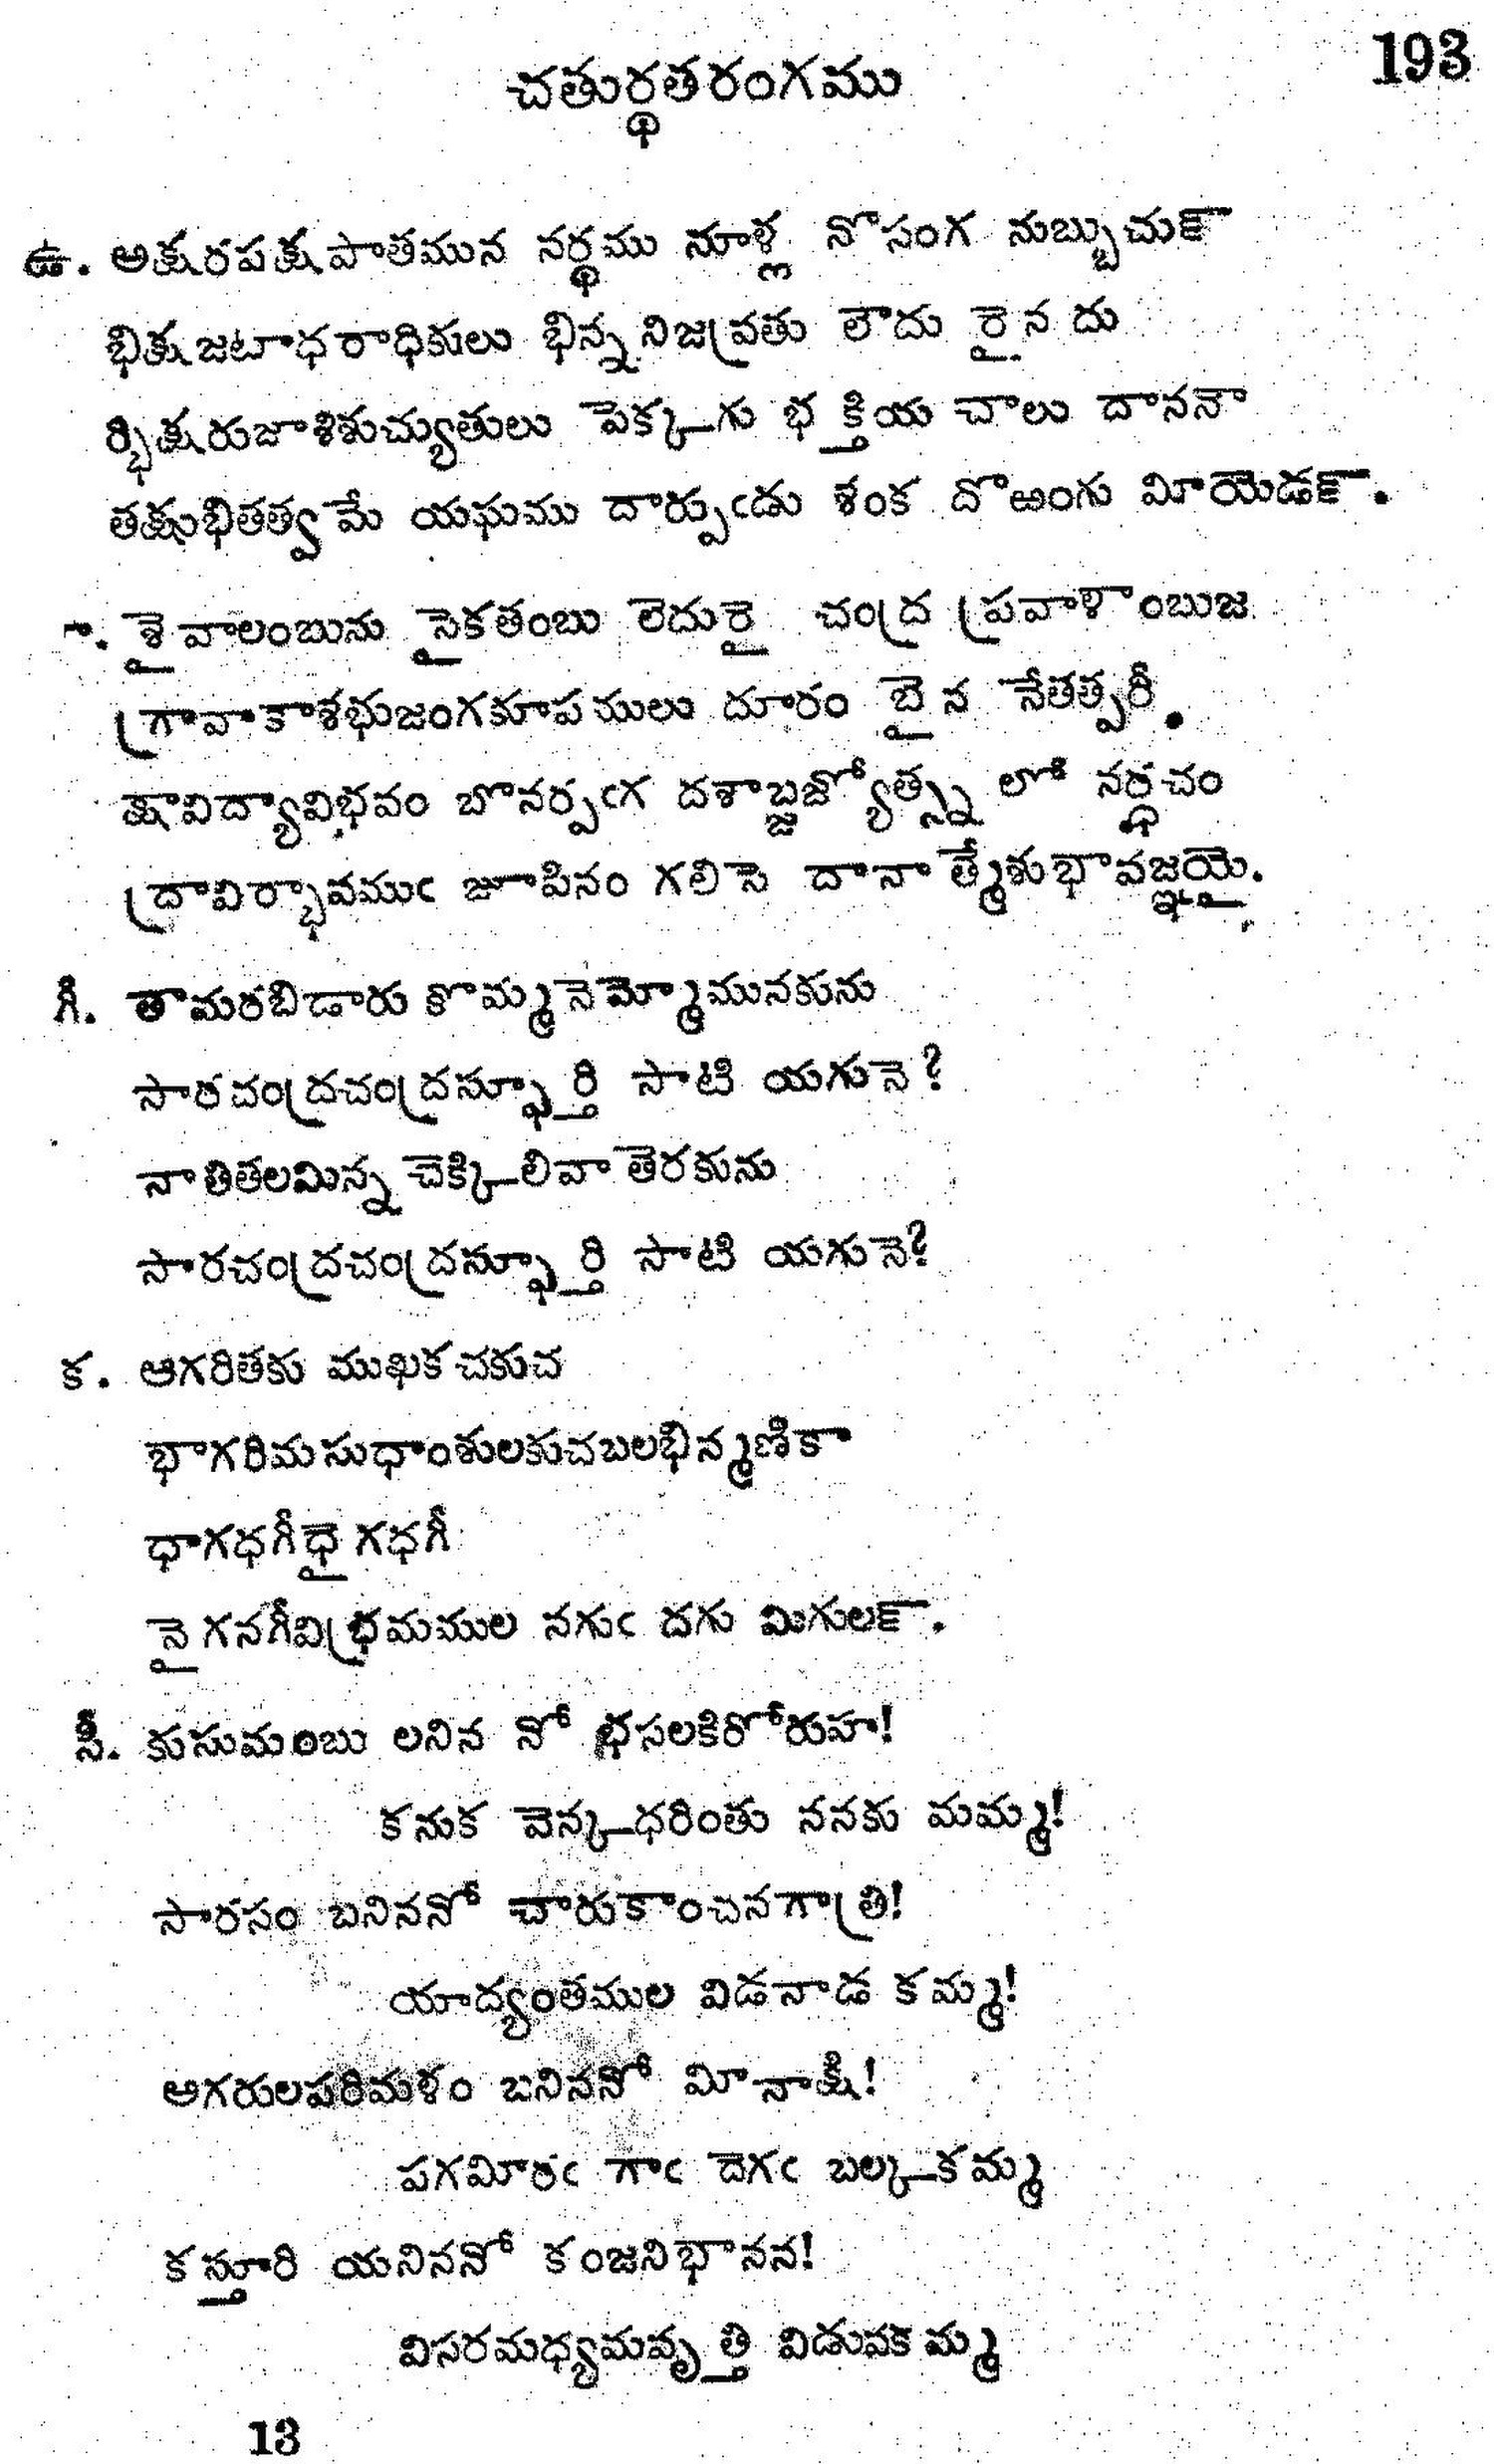ఉ. అక్షరపక్షపాతమున నర్థము నూళ్ళ నొసంగ నుబ్బుచున్
 భిక్షజటాధరాధికులు భిన్ననిజవ్రతు లౌదు రైన దు
 ర్భిక్షరుజాశిశుచ్యుతులు పెక్కగు భక్తియ చాల దాననౌ
 తక్షుభితత్వమే యఘము దార్పుఁడు శంక దొఱంగు మీయెడన్.

శా. శైవాలంబును సైకతంబు లెదురై చంద్రప్రవాళాంబుజ
 గ్రావాకాశభుజంగకూపములు దూరం బైన నేతత్పరీ
 క్షావిద్యావిభవం బొనర్పఁగ దశాబ్జజ్యోత్స్నలో నర్ధచం
 ద్రావిర్భావముఁ జూపినం గలిసె దానాత్మేశుభావజ్ఞయై.

గీ. తామరబిడారు కొమ్మనెమ్మోమునకును
 సారచంద్రచంద్రస్ఫూర్తి సాటి యగునె?
 నాతితలమిన్నచెక్కిలివాతెరకును
 సారచంద్రచంద్రస్ఫూర్తి సాటి యగునె?

క. ఆగరితకు ముఖకచకుచ
 భాగరిమసుధాంశులకుచబలభన్మణికా
 ధాగధగీధైగధగీ
 నైగనగీవిభ్రమముల నగుఁ దగు మిగులన్.

సీ. కుసుమంబు లనిన నో భసలకిరోరుహ!
 కనుక వెన్కధరింతు ననకు మమ్మ!
 సారసం బనిననో చారుకాంచనగాత్రి!
 యాద్యంతముల విడనాడకమ్మ!
 అగరులపరిమళం బనినచో మీనాక్షి!
 పగమీరఁ గాఁ దెగఁ బల్కకమ్మ!
 కస్తూరి యనినచో కంజనిభానన!
 విసరమధ్యమవృత్తి విడువకమ్మ!